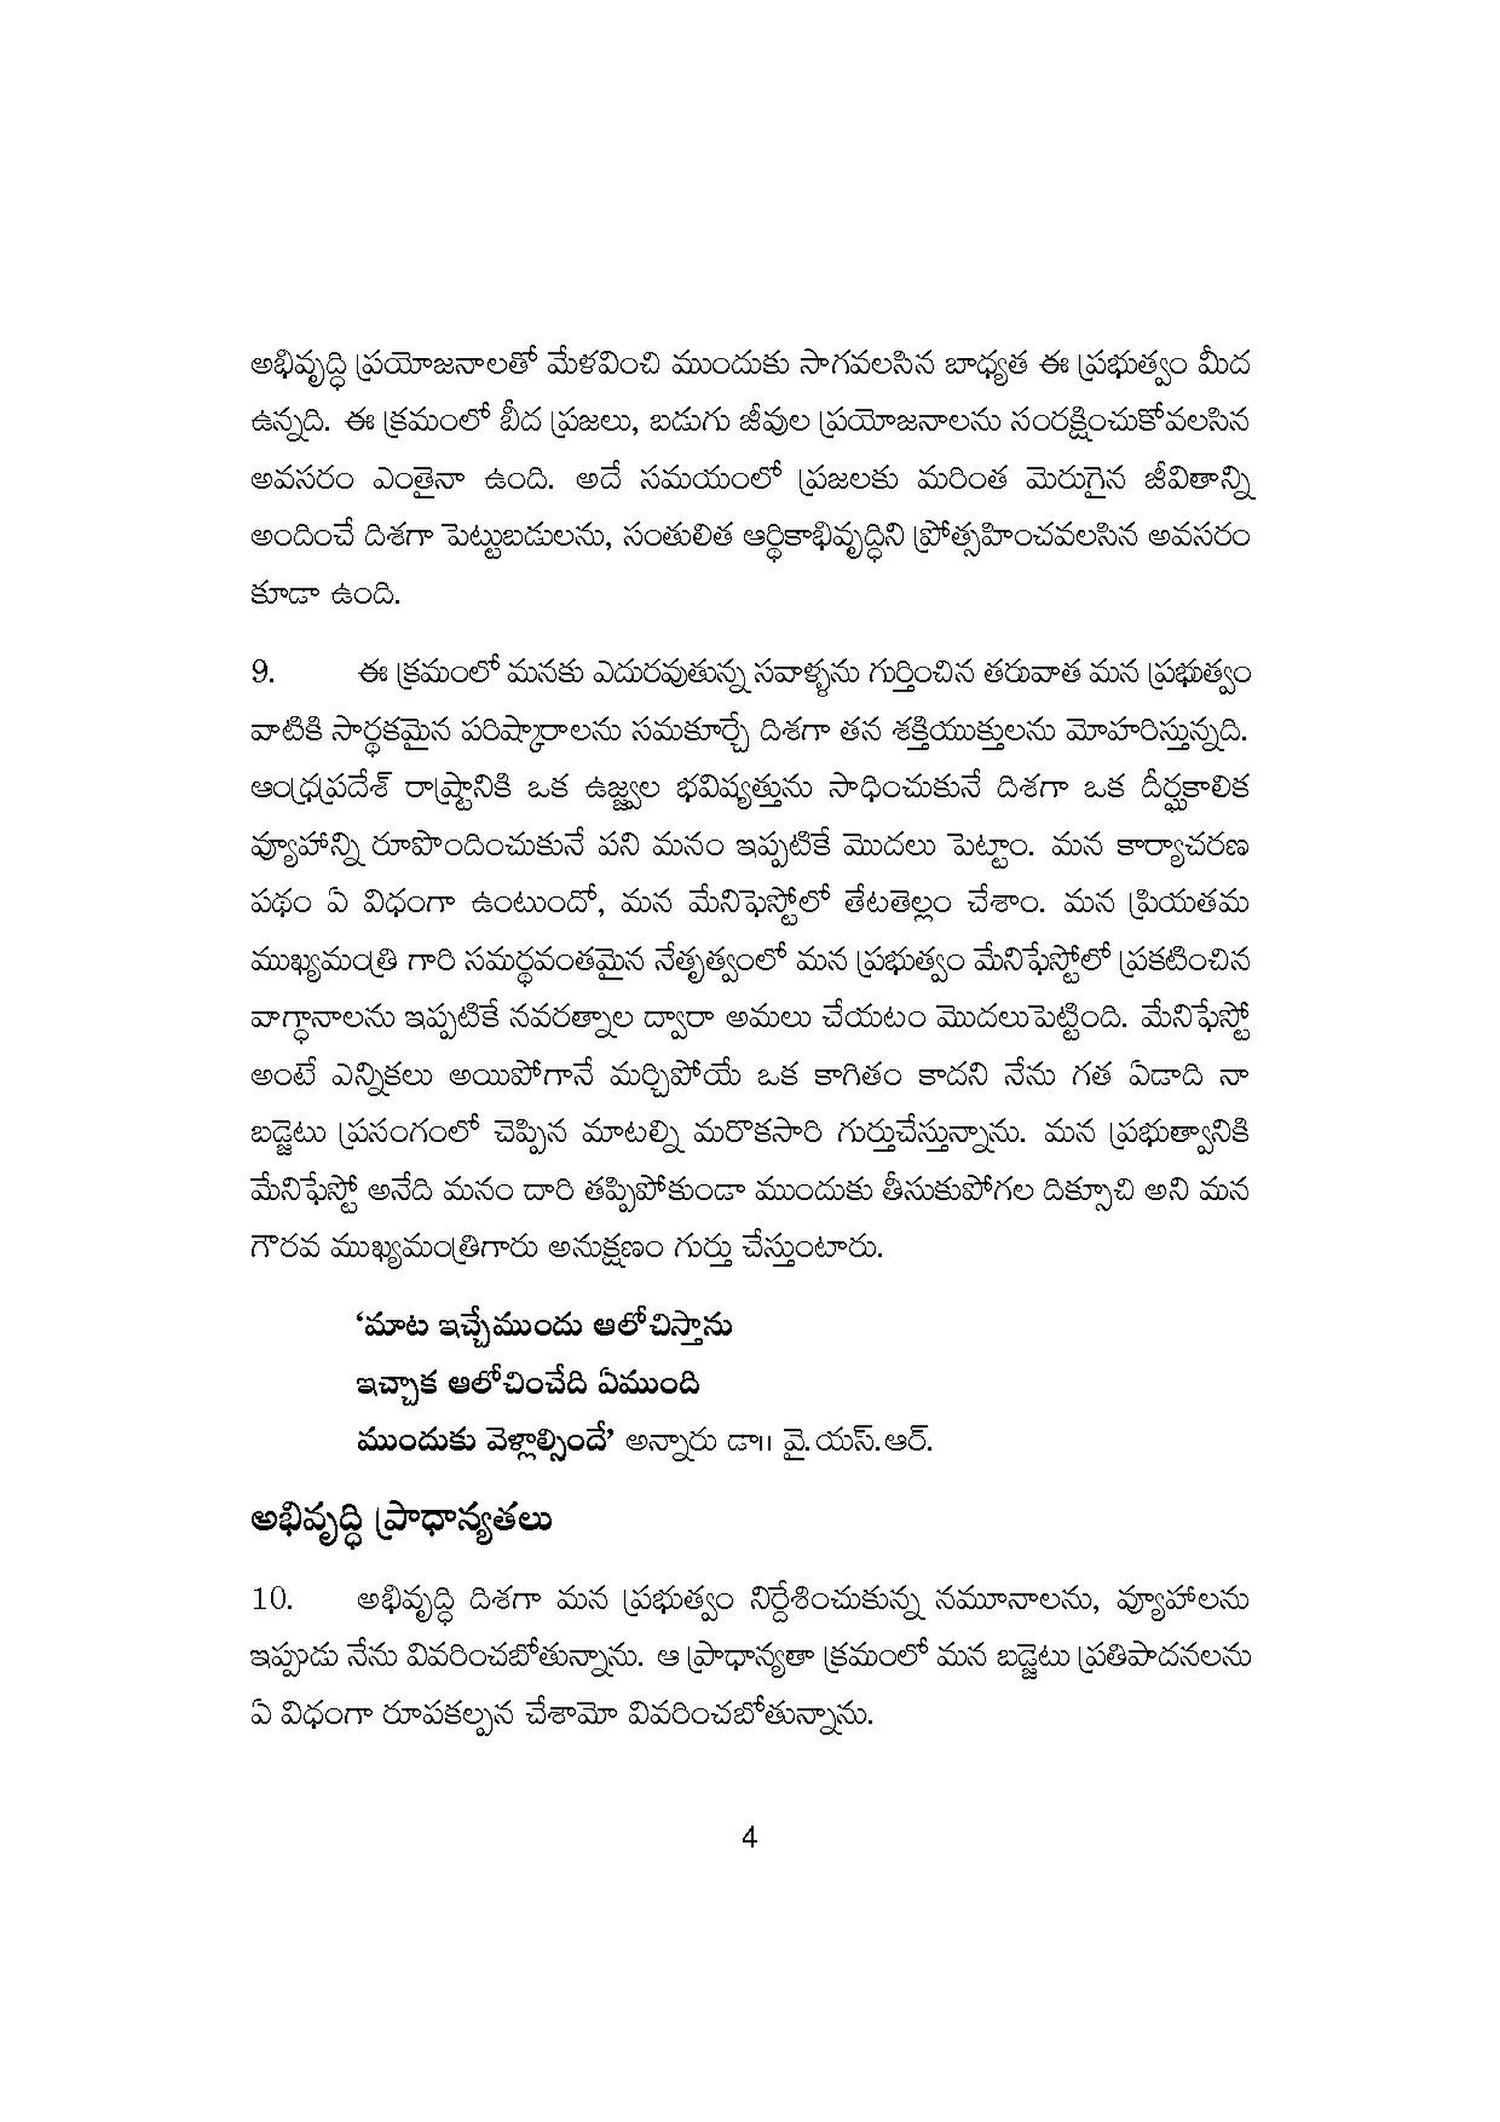అభివృద్ధి ప్రయోజనాలతో మేళవించి ముందుకు సాగవలసిన బాధ్యత ఈ ప్రభుత్వం మీద ఉన్నది. ఈ క్రమంలో బీద ప్రజలు, బడుగు జీవుల ప్రయోజనాలను సంరక్షించుకోవలసిన అవసరం ఎంతైనా ఉంది. అదే సమయంలో ప్రజలకు మరింత మెరుగైన జీవితాన్ని అందించే దిశగా పెట్టుబడులను, సంతులిత ఆర్థికాభివృద్ధిని ప్రోత్సహించవలసిన అవసరం కూడా ఉంది. 

9. ఈ క్రమంలో మనకు ఎదురవుతున్న సవాళ్ళను గుర్తించిన తరువాత మన ప్రభుత్వం వాటికి సార్థకమైన పరిష్కారాలను సమకూర్చే దిశగా తన శక్తియుక్తులను మోహరిస్తున్నది. ఆంధ్రప్రదేశ్ రాష్ట్రానికి ఒక ఉజ్జ్వల భవిష్యత్తును సాధించుకునే దిశగా ఒక దీర్ఘకాలిక వ్యూహాన్ని రూపొందించుకునే పని మనం ఇప్పటికే మొదలు పెట్టాం. మన కార్యాచరణ పథం ఏ విధంగా ఉంటుందో, మన మేనిఫెస్టోలో తేటతెల్లం చేశాం. మన ప్రియతమ ముఖ్యమంత్రి గారి సమర్థవంతమైన నేతృత్వంలో మన ప్రభుత్వం మేనిఫేస్టోలో ప్రకటించిన వాగ్దానాలను ఇప్పటికే నవరత్నాల ద్వారా అమలు చేయటం మొదలుపెట్టింది. మేనిఫేస్టో
అంటే ఎన్నికలు అయిపోగానే మర్చిపోయే ఒక కాగితం కాదని నేను గత ఏడాది నా బడ్జెటు ప్రసంగంలో చెప్పిన మాటల్ని మరొకసారి గుర్తుచేస్తున్నాను. మన ప్రభుత్వానికి
మేనిఫేస్టో అనేది మనం దారి తప్పిపోకుండా ముందుకు తీసుకుపోగల దిక్సూచి అని మన గౌరవ ముఖ్యమంత్రిగారు అనుక్షణం గుర్తు చేస్తుంటారు.

'మాట ఇచ్చేముందు ఆలోచిస్తాను
 ఇచ్చాక ఆలోచించేది ఏముంది 
ముందుకు వెళ్లాల్సిందే' అన్నారు డా|| వై.యస్.ఆర్.   

అభివృద్ధి ప్రాధాన్యతలు 

10. అభివృద్ధి దిశగా మన ప్రభుత్వం నిర్దేశించుకున్న నమూనాలను, వ్యూహాలను ఇప్పుడు నేను వివరించబోతున్నాను. ఆ ప్రాధాన్యతా క్రమంలో మన బడ్జెటు ప్రతిపాదనలను ఏ విధంగా రూపకల్పన చేశామో వివరించబోతున్నాను.